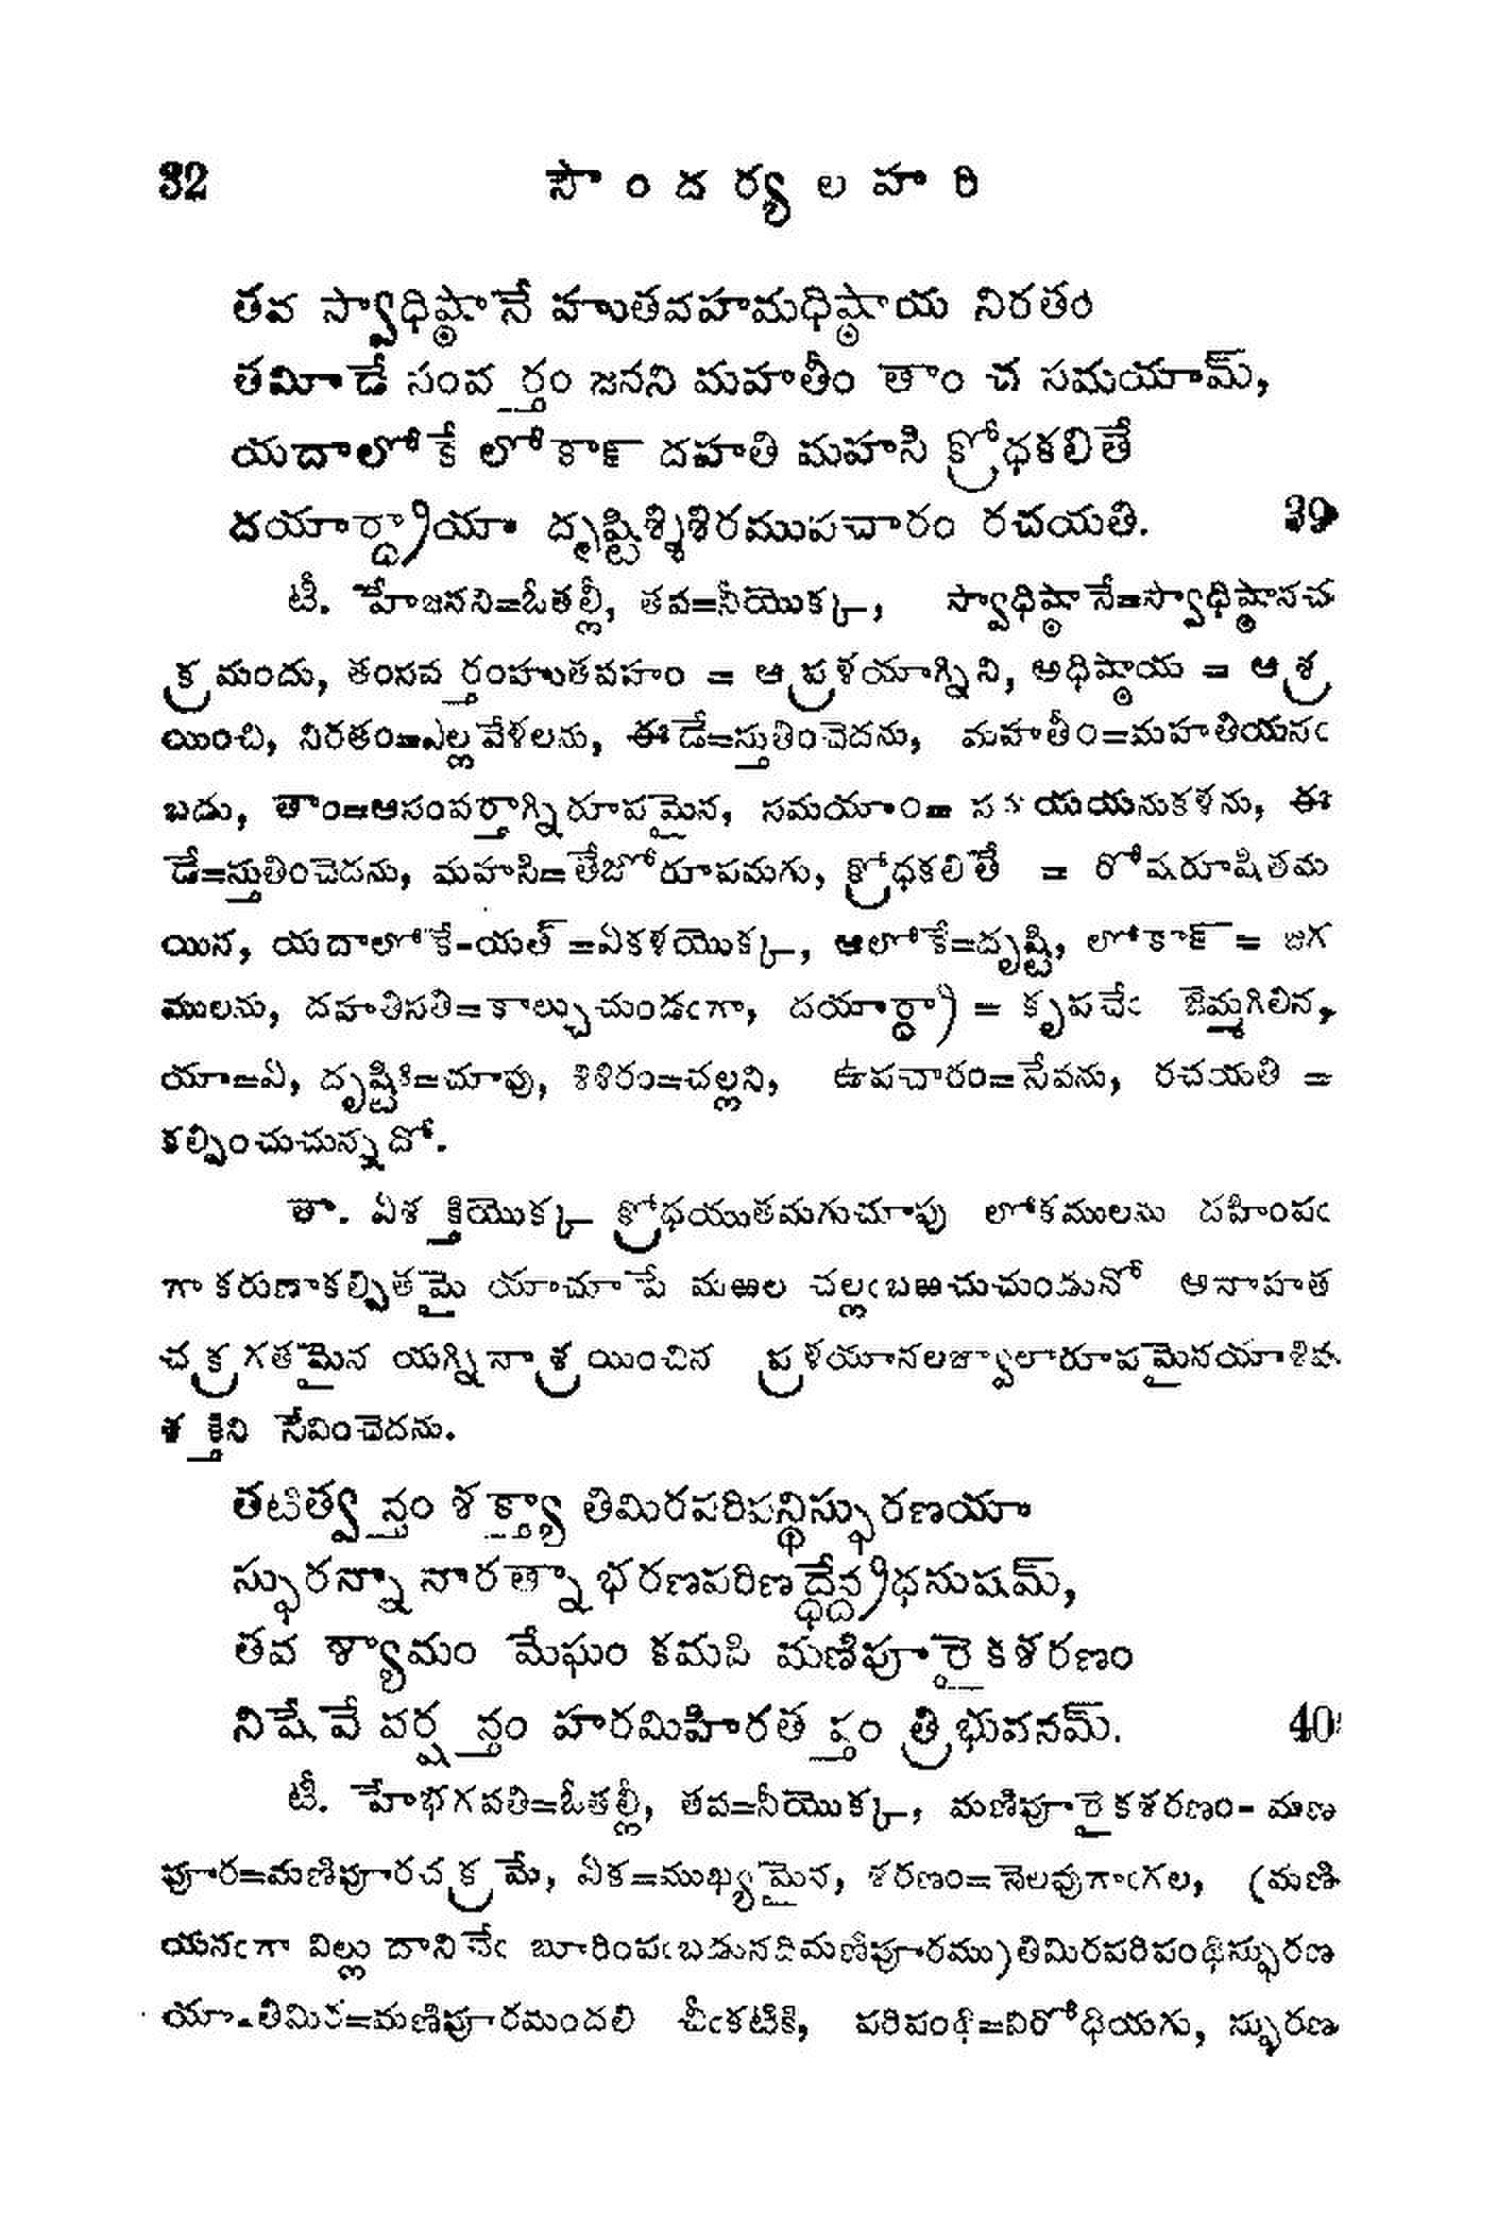తవ స్వాధిష్ఠానే హుతవహమధిష్ఠాయ నిరతం
తమీడే సంవర్తం జనని మహతీం తాం చ సమయామ్,
యదాలోకే లోకాన్ దహతి మహసి క్రోధకలితే
దయార్ద్రాయా దృష్టిశ్శిశిరముపచారం రచయతి. 39
టీ. హేభగవతి = ఓతల్లీ, తవ = నీయొక్క, స్వాధిష్ఠానే = స్వాధిష్ఠానచక్రమందు, తంసవర్తంహుతవహం = ఆప్రళయాగ్నిని, అధిష్ఠాయ = ఆశ్రయించి, నిరతం = ఎల్లవేళలను, ఈడే = స్తుతించెదను, మహతీం = మహతియనఁబడు, తాం = ఆసంవర్తాగ్నిరూపమైన, సమయాం = సమయయనుకళను, ఈడే = స్తుతించెదను, మహసి = తేజోరూపమగు, క్రోధకలితే = రోషరూషితమయిన, యదాలోకే-యత్ = ఏకళయొక్క, ఆలోకే = దృష్టి, లోకాన్ = జగములను, దహతిసతి = కాల్చుచుండఁగా, దయార్ద్రా = కృపచేఁ జెమ్మగిలిన, యా = ఏ, దృష్టిః = చూపు, శిశిరం = చల్లని, ఉపచారం = సేవను, రచయతి = కల్పించుచున్నదో.

తా. ఏశక్తియొక్క క్రోధయుతమగుచూపు లోకములను దహింపఁగా కరుణాకల్పితమైన యాచూపే మఱల చల్లఁబఱచుచుండునో అనాహతచక్రగతమైన యగ్ని నాశ్రయించిన ప్రళయానలజ్వాలారూపమైన యాశివశక్తిని సేవించెదను.

తటిత్వన్తం శక్త్యా తిమిరపరిపన్థిస్ఫురణయా
స్ఫురన్నానారత్నాభరణపరిణద్ధేన్ద్రధనుషం, 
తవ శ్యామం మేఘం కమపి మణిపూరైకశరణం
నిషేవేవర్షన్తం హరమిహిరతప్తం త్రిభువనమ్. 40
టీ. హేభగవతి = ఓతల్లీ, తవ = నీయొక్క, మణిపూరైకశరణం-మణిపూర = మణిపూరచక్రమై, ఏక = ముఖ్యమైన, శరణం = నెలవుగాఁగల, (మణి యనఁగా విల్లు దానిచేఁ బూరింపఁబడునదిమణిపూరము) తిమిరపరిపంథిస్ఫురణయా-తిమిర = మణిపూరమందలి చీఁకటికి, పరిపంథి = విరోధియగు, స్ఫురణ